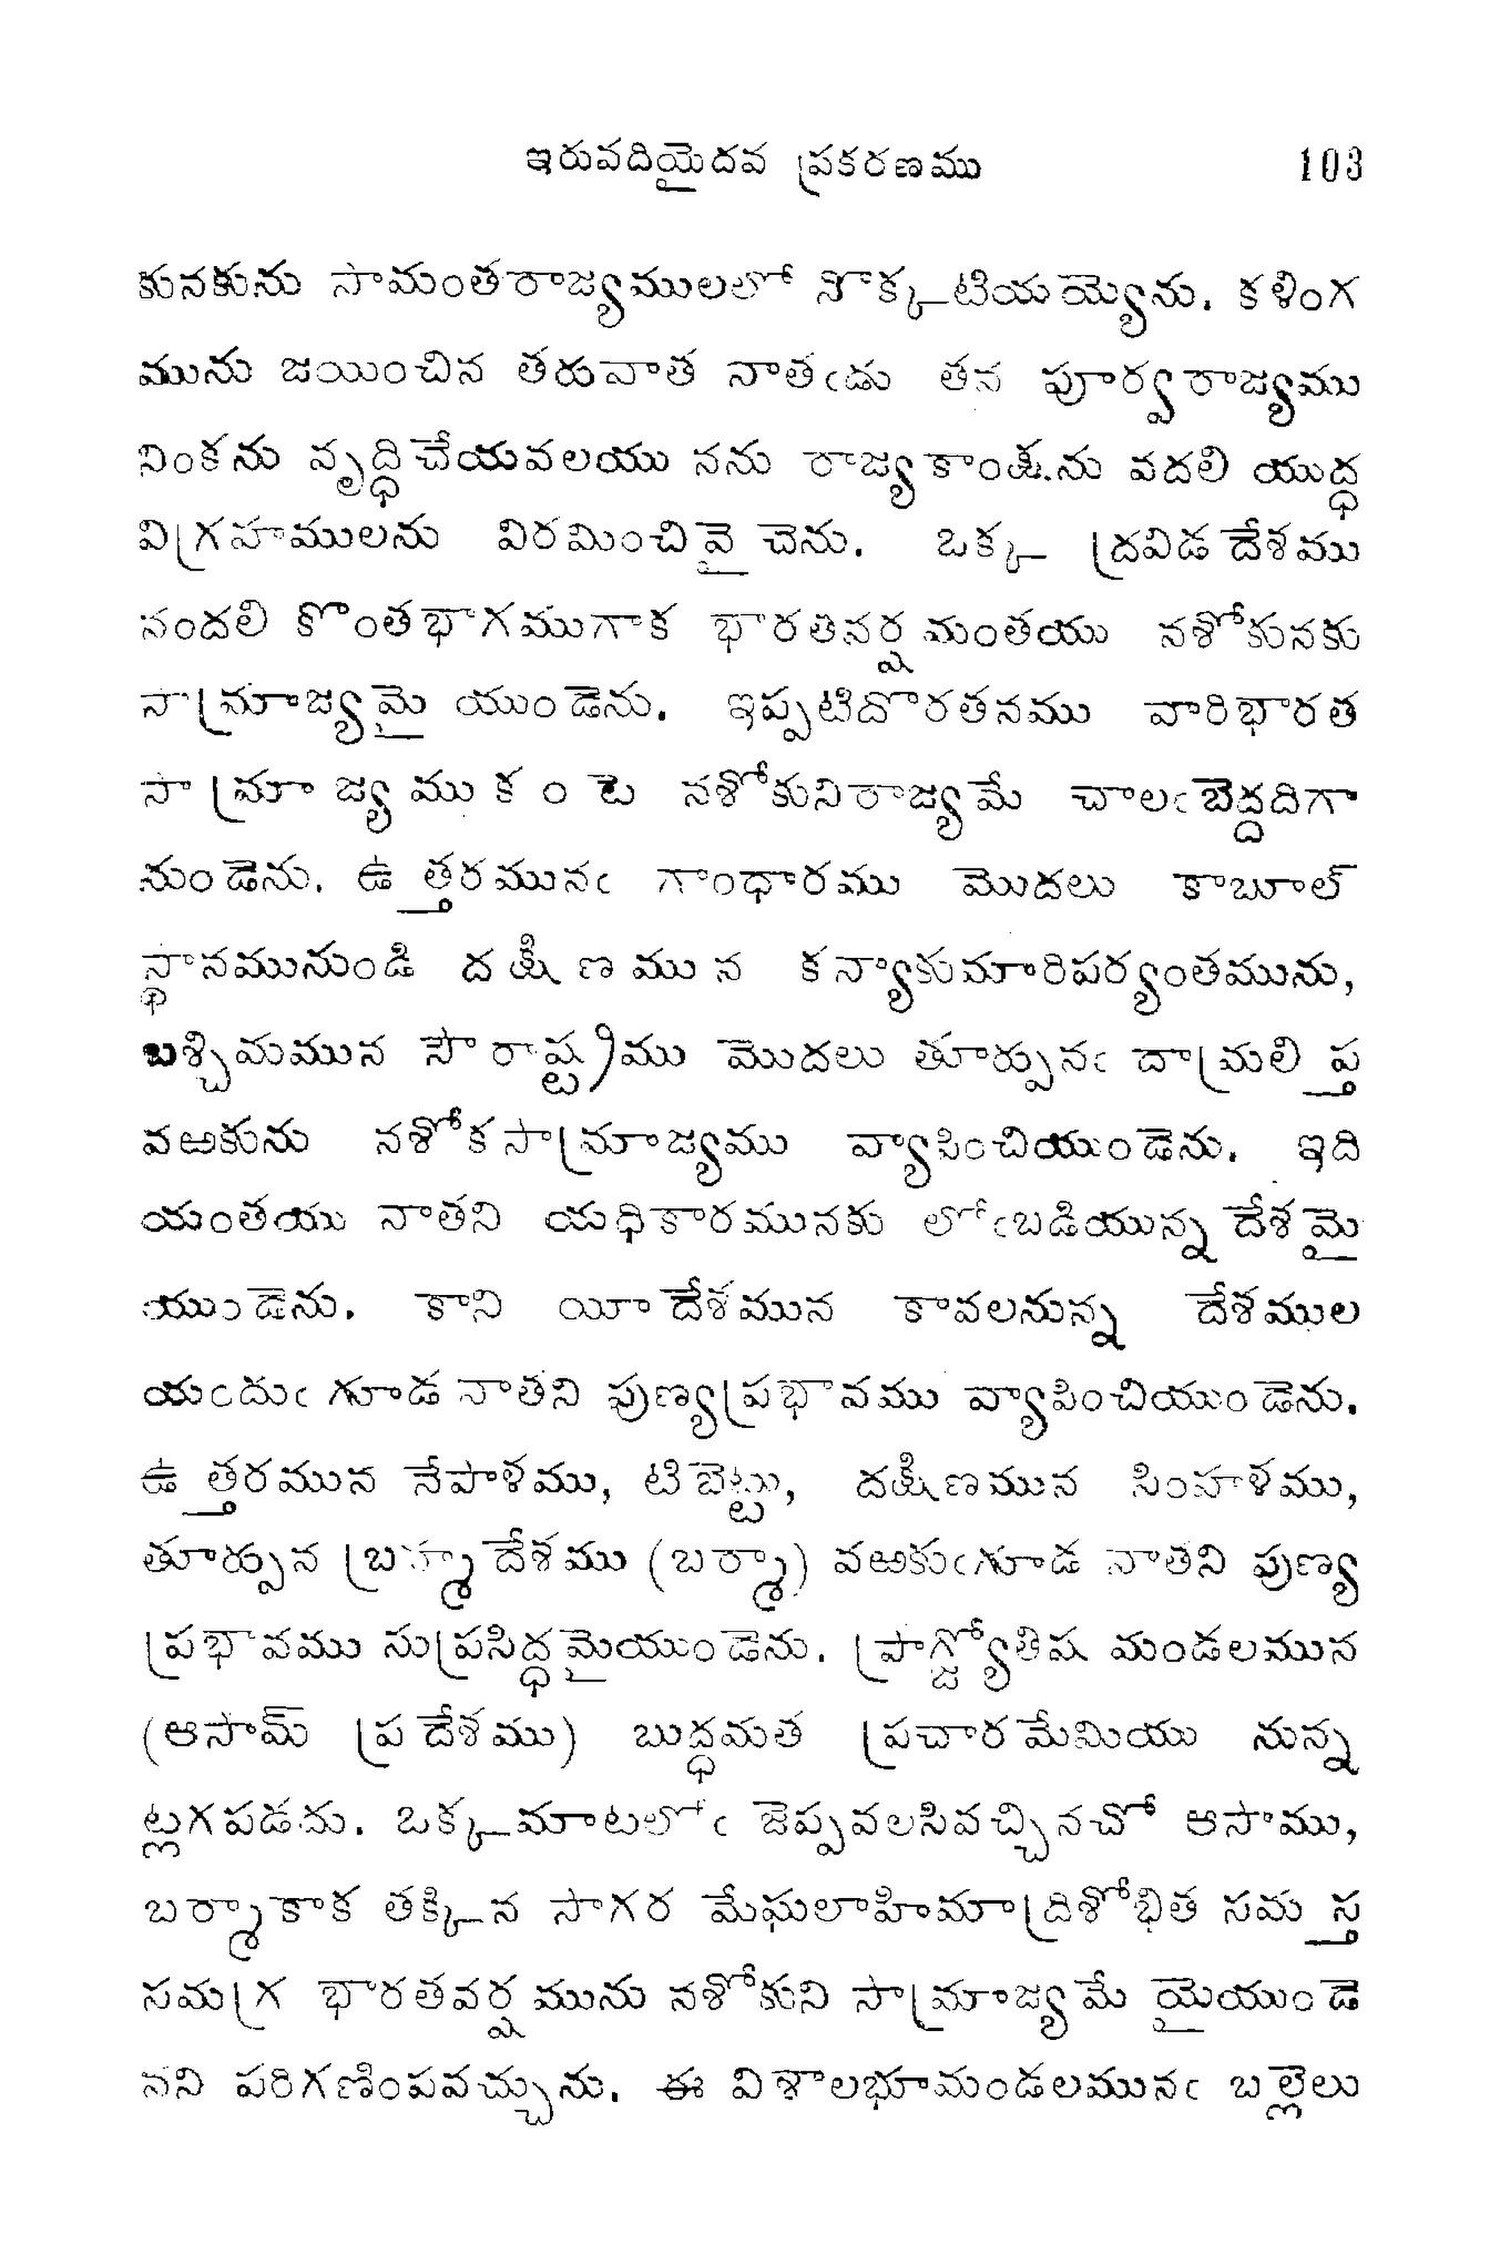కునకును సామంత రాజ్యములలో నొక్కటియయ్యెను. కళింగమును జయించిన తరువాత నాతఁడు తన పూర్వరాజ్యము నింకను వృద్ధి చేయవలయు నను రాజ్య కాంక్షను వదలి యుద్ధ విగ్రహములను విరమించి వైచెను. ఒక్క ద్రవిడ దేశము సందలి కొంత భాగముగాక భారత వర్ష మంతయు నశోకునకు సామ్రాజ్యమై యుండెను. ఇప్పటిదొరతనము వారి భారత సామ్రాజ్యము కంటె నశోకుని రాజ్యమే చాలఁ బెద్దదిగా నుండెను. ఉత్తరమునఁ గాంధారము మొదలు కాబూల్
స్థానమునుండి దక్షిణము న కన్యాకుమారి పర్యంతమును, బశ్చిమమున సౌరాష్ట్రము మొదలు తూర్పునఁ దావ్రేలిప్త వఱకును నశోక సామ్రాజ్యము వ్యాపించియుండెను. ఇది యంతయు నాతని యధికారమునకు లోబడియున్న దేశమై యుండెను. కాని యీ దేశమున కావలనున్న దేశములయందుఁ గూడ నాతని పుణ్యప్రభావము వ్యాపించియుండెను, ఉత్తరమున నేపాళము, టిబెట్టు, దక్షిణమున సింహళము, తూర్పున బ్రహ్మ దేశము (బర్మా) వఱకుఁగూడ నాతని పుణ్య ప్రభావము సుప్రసిద్ధమైయుం డెను. ప్రాణ్యోతిష మండలమున(ఆసామ్ ప్రదేశము) బుధ్ధమత ప్రచార మేమియు నున్నఖగపడదు. ఒక్కమాటలోఁ జెప్పవలసివచ్చినచో ఆసాము,
బర్మాకాక తక్కిన సాగర మేఘలాహిమాద్రిశోభిత సమస్త సమగ్ర భారతవర్ష మును నశోకుని సామ్రాజ్యమే యైయుం డెనని పరిగణింపవచ్చును. ఈ విశాల భూమండలమునఁ బల్లెలు